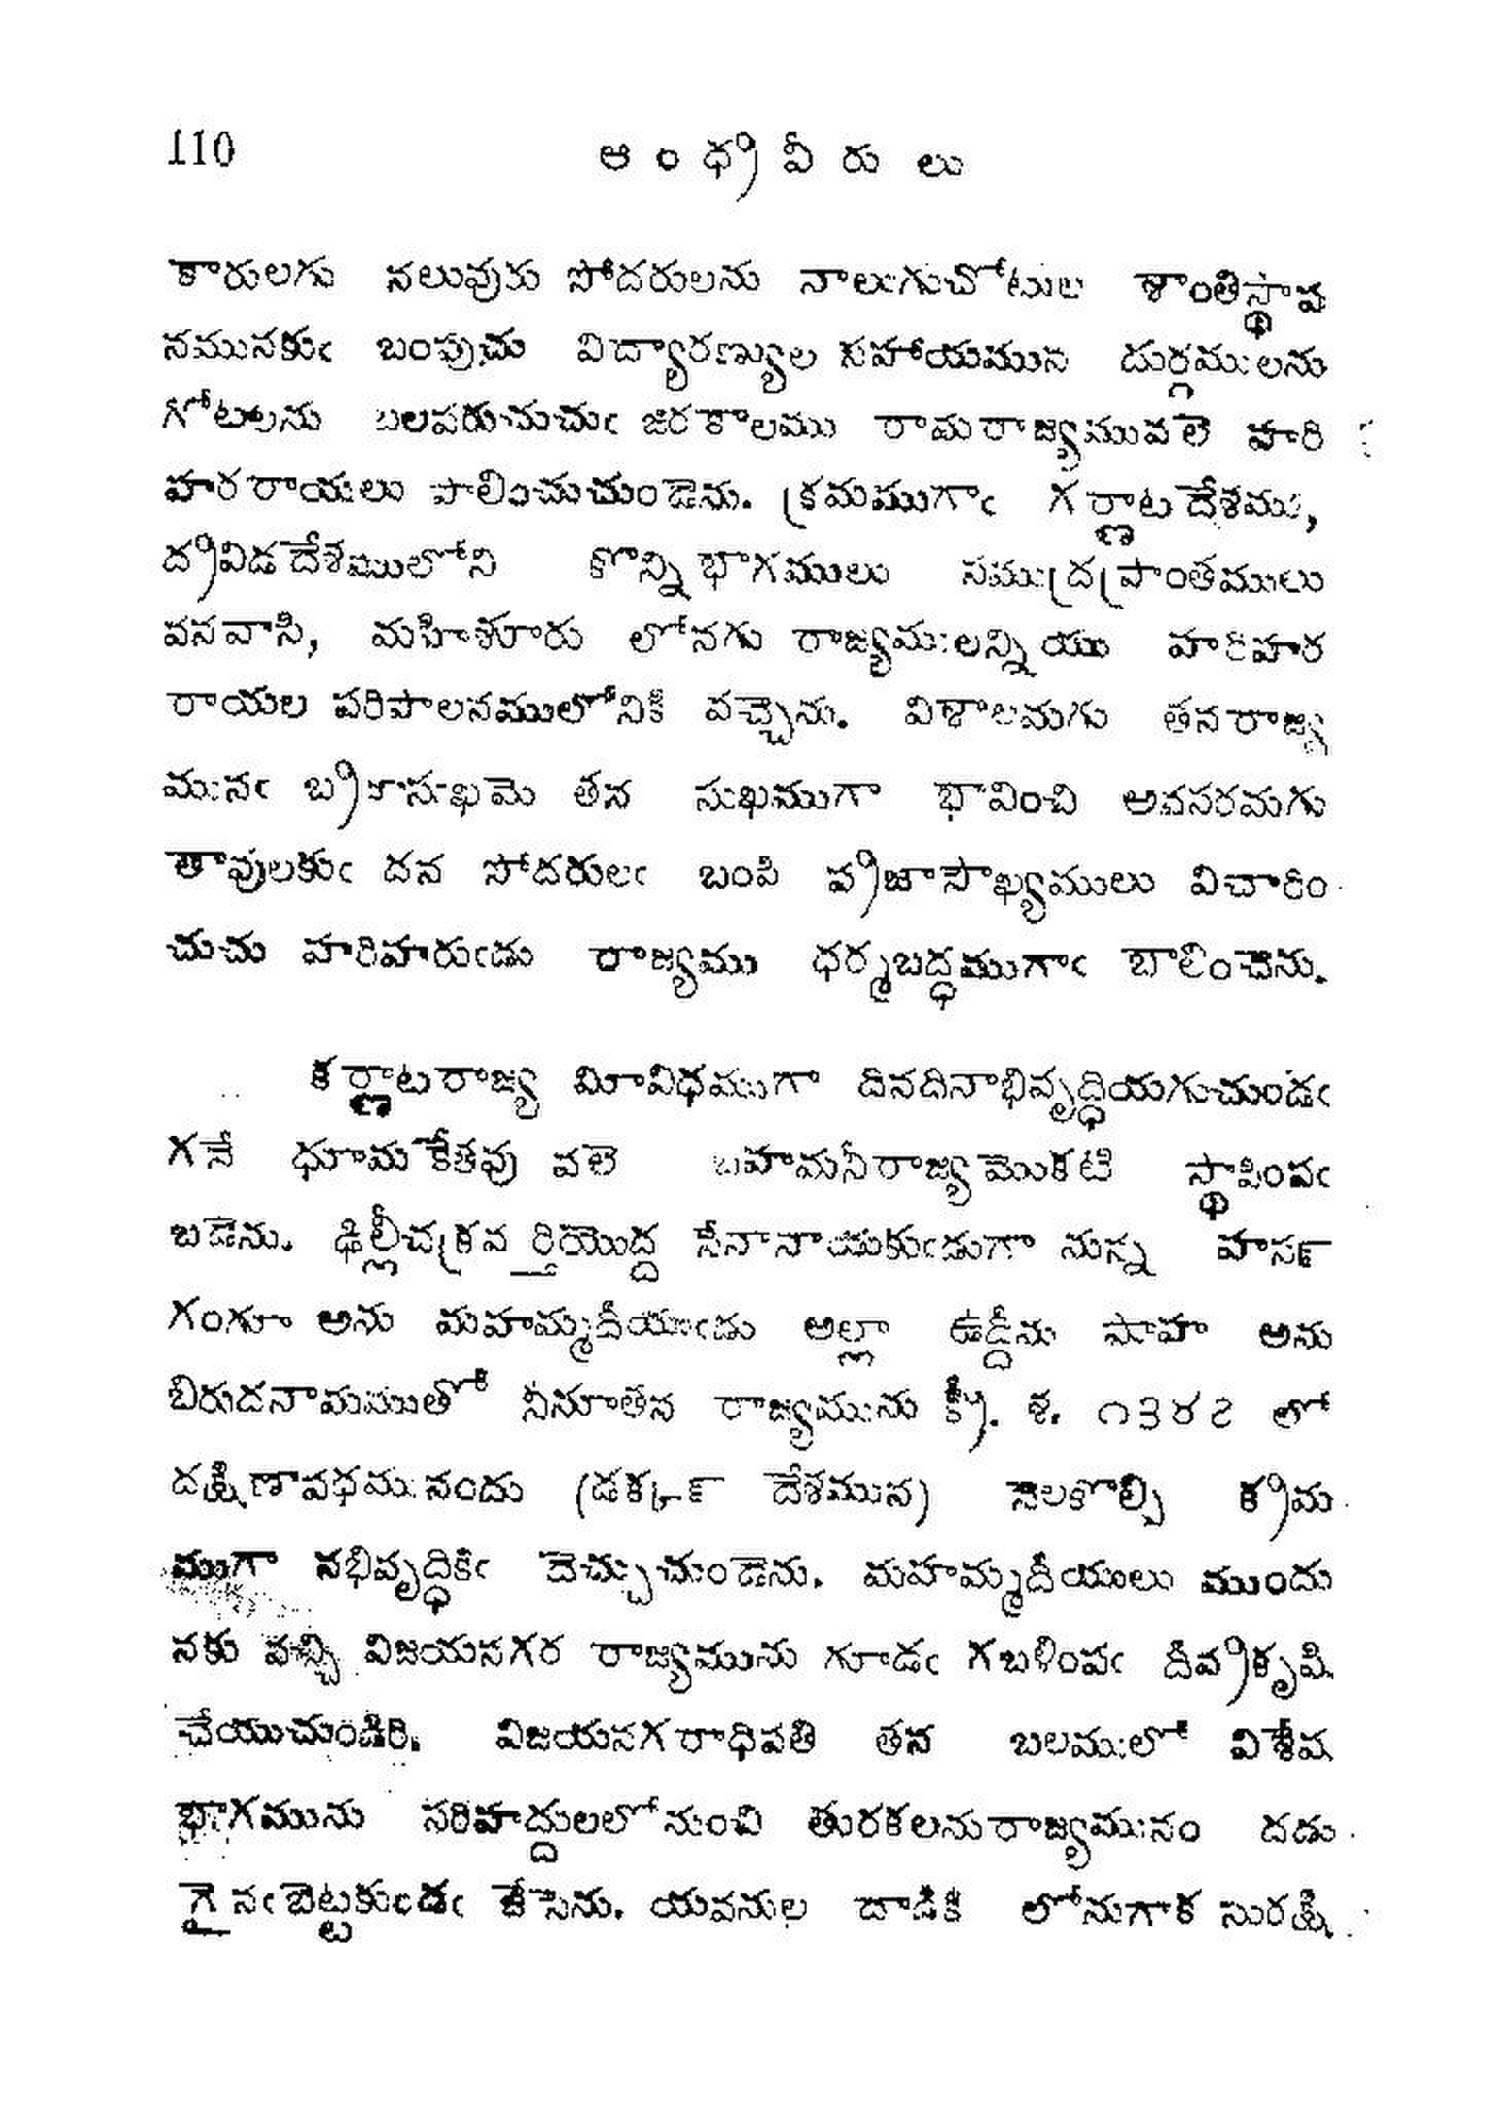కారులగు నలువురు సోదరులను నాలుగుచోటుల శాంతిస్థాపనమునకు బంపుచు విద్యారణ్యుల సహాయమున దుర్గములను గోటలను బలపరచుచు జిరకాలము రామరాజ్యమువలె హరిహరరాయలు పాలించుచుండెను. క్రమముగా గర్ణాటదేశము, ద్రవిడదేశములోని కొన్నిభాగములు సముద్రప్రాంతములు వనవాసి, మహిశూరు లోనగు రాజ్యములన్నియు హరిహరరాయల పరిపాలనములోనికి వచ్చెను. విశాలమగు తనరాజ్యమున బ్రజాసుఖమె తన సుఖముగా భావించి అవసరమగు తావులకు దన సోదరుల బంపి ప్రజాసౌఖ్యములు విచారించుచు హరిహరుదు రాజ్యము ధర్మబద్ధముగా బాలించెను.

కర్ణాటరాజ్య మీవిధముగా దినదినాభివృద్ధియగుచుండగనే ధూమకేతువు వలె బహమనీరాజ్యమొకటి స్థాపింప బడెను. డిల్లీచక్రవర్తియొద్ద సేనానాయకుడుగా నున్న హసన్ గంగూ అను మహమ్మదీయుడు అల్లా ఉద్దీను షాహ అను బిరుదనామముతో నీనూతన రాజ్యమును క్రీ.శ. 1347 లో దక్షిణాపధమునందు (డక్కన్ దేశమున) నెలకొల్పి క్రమముగా నభివృద్ధికి దెచ్చుచుండెను. మహమ్మదీయులు ముందునకు వచ్చి విజయనగర రాజ్యమును గూడ గబళింప దీవ్రకృషి చేయుచుండిరి. విజయనగరాధిపతి తన బలములో విశేషభాగమును సరిహద్దులలోనుంచి తురకలను రాజ్యమునం దడుగైన బెట్టకుండ జేసెను. యవనుల దాడికి లోనుగాక సురక్షి